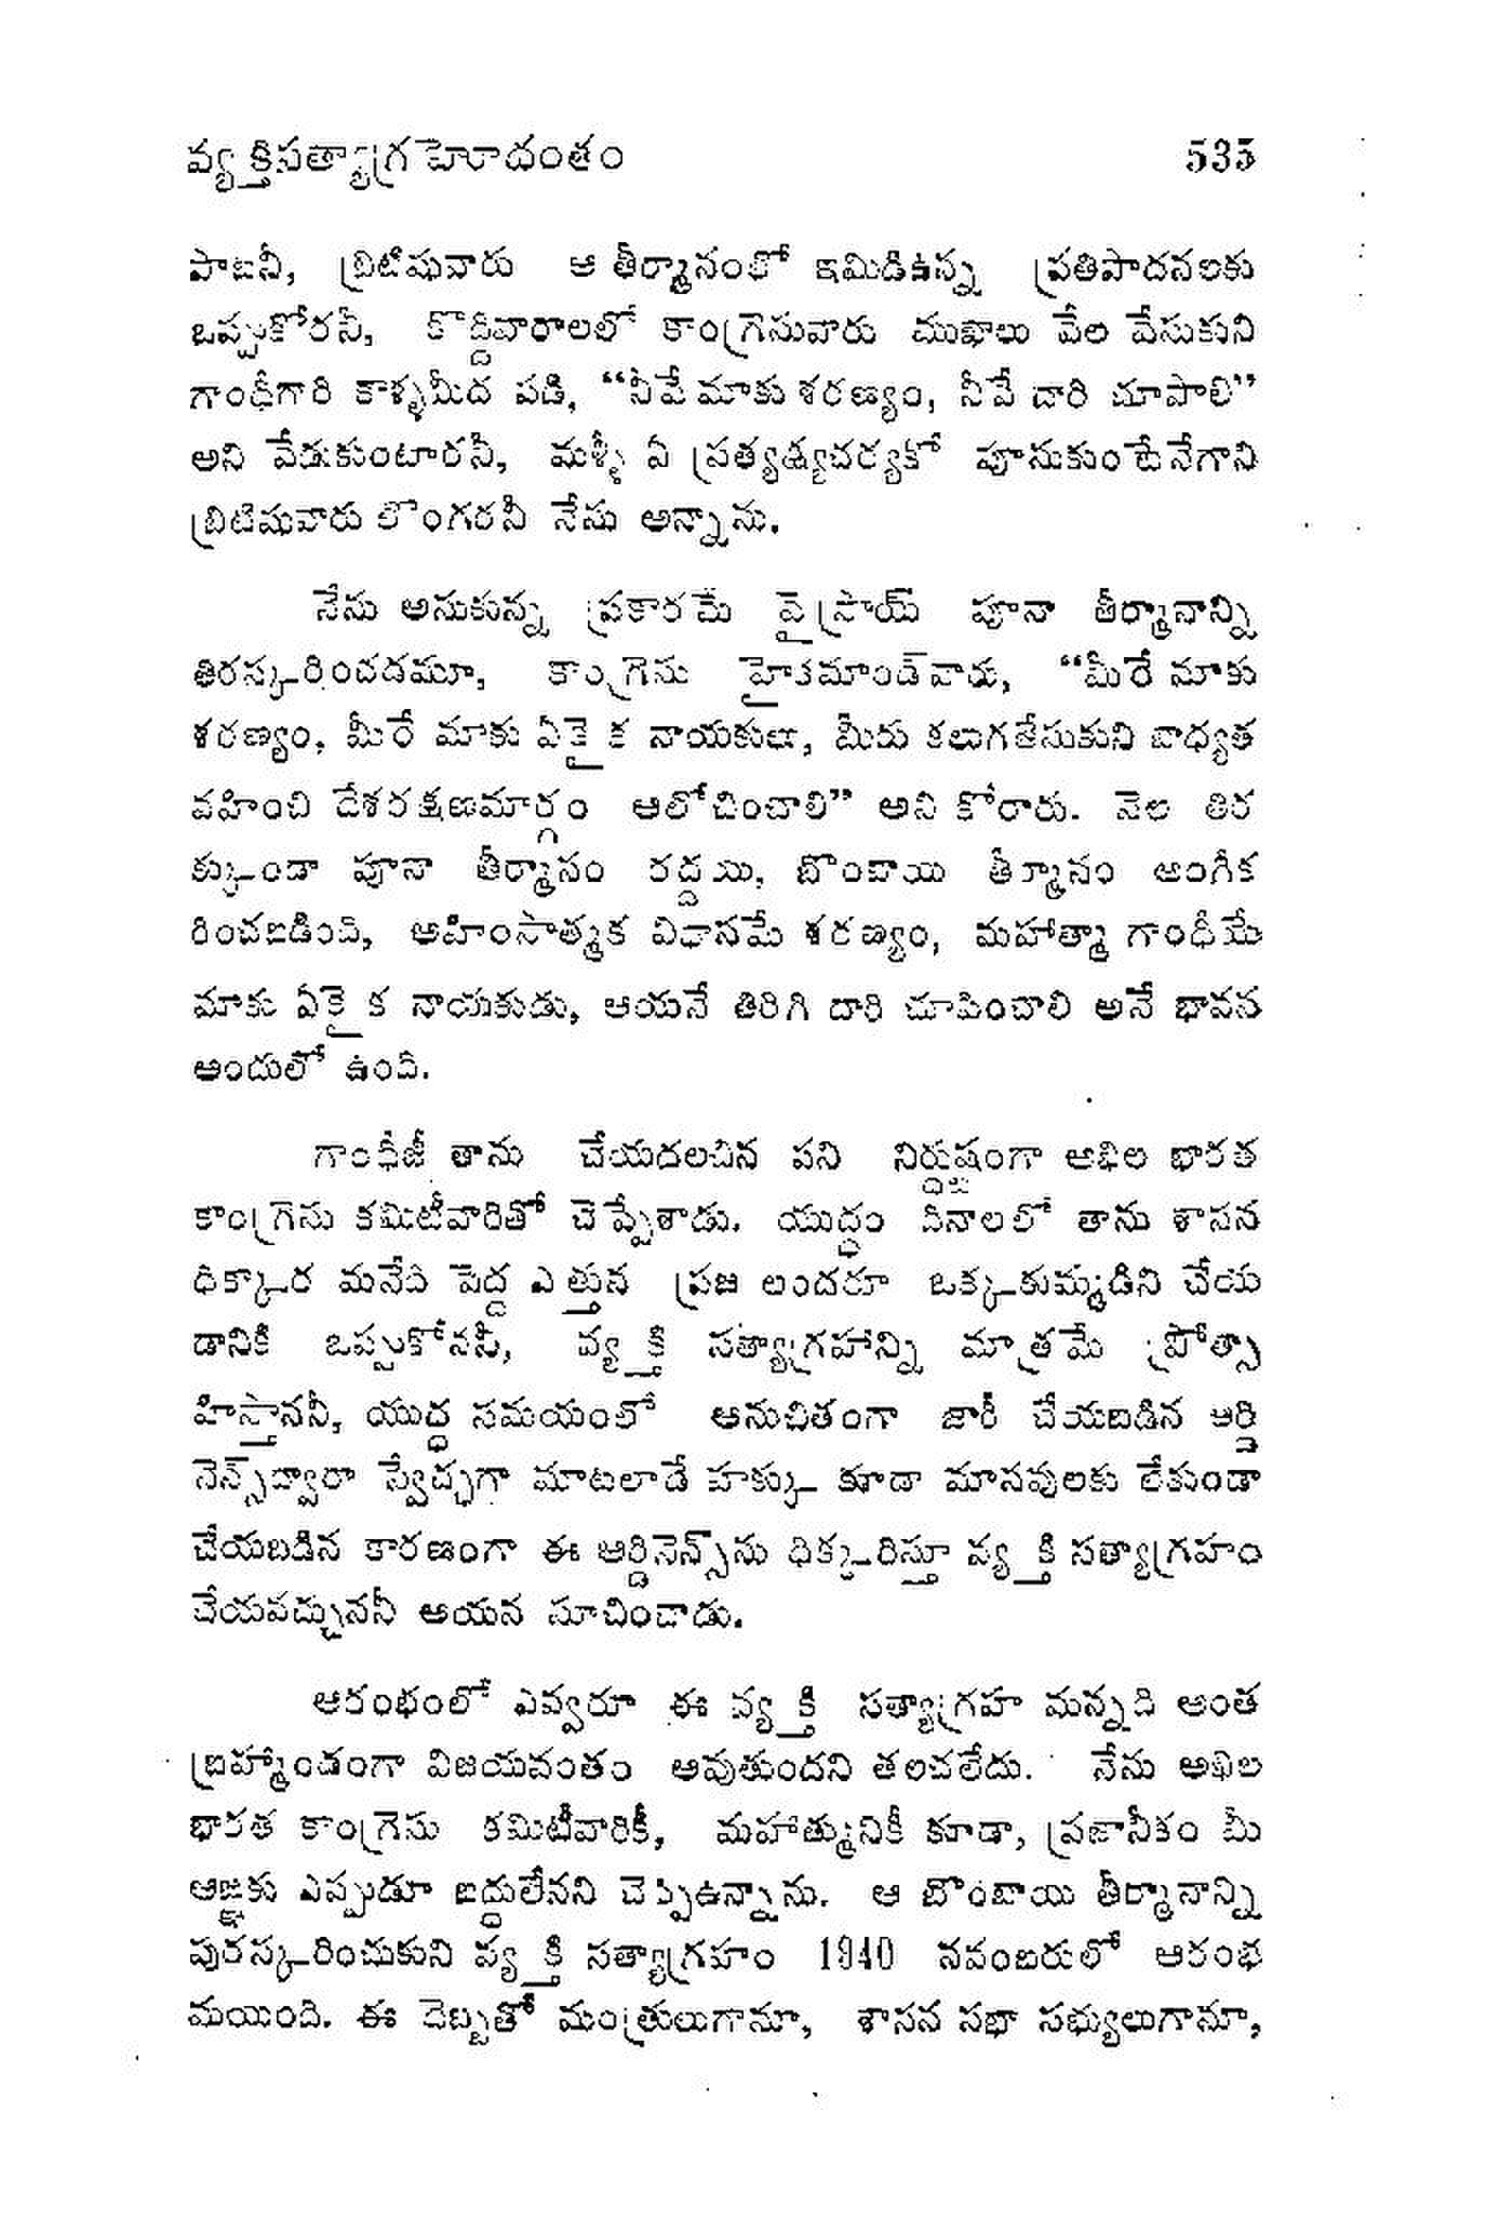పాటనీ, బ్రిటిషువారు ఆ తీర్మానంలో ఇమిడిఉన్న ప్రతిపాదనలకు ఒప్పుకోరనీ, కొద్దివారాలలో కాంగ్రెసువారు ముఖాలు వేల వేసుకుని గాంధీగారి కాళ్ళమీద పడి, "నీవే మాకు శరణ్యం, నీవే దారి చూపాలి" అని వేడుకుంటారనీ, మళ్ళీ ఏ ప్రత్యక్ష్యచర్యకో పూనుకుంటేనేగాని బ్రిటిషువారు లొంగరనీ నేను అన్నాను.

నేను అనుకున్న ప్రకారమే వైస్రాయ్ పూనా తీర్మానాన్ని తిరస్కరించడమూ, కాంగ్రెసు హైకండ్‌వారు, "మీరే మాకు శరణ్యం, మీరే మాకు ఏకైక నాయకులు, మీరు కలుగజేసుకుని బాధ్యత వహించి దేశరక్షణమార్గం ఆలోచించాలి" అని కోరారు. నెల తిరక్కుండా పూనా తీర్మానం రద్దయి, బొంబాయి తీర్మానం అంగీకరించబడింది, అహింసాత్మక విధానమే శరణ్యం, మహాత్మా గాంధీయే మాకు ఏకైక నాయకుడు, ఆయనే తిరిగి దారి చూపించాలి అనే భావన అందులో ఉంది.

గాంధీజీ తాను చేయదలచిన పని నిర్దుష్టంగా అఖిల భారత కాంగ్రెసు కమిటీవారితో చెప్పేశాడు. యుద్దం దినాలలో తాను శాసన ధిక్కార మనేది పెద్ద ఎత్తున ప్రజ లందరూ ఒక్కకుమ్మడిని చేయడానికి ఒప్పుకోననీ, వ్యక్తి సత్యాగ్రహాన్ని మాత్రమే ప్రోత్సాహిస్తాననీ, యుద్ధ సమయంలో అనుచితంగా జారీ చేయబడిన ఆర్డినెన్స్‌ద్వారా స్వేచ్ఛగా మాటలాడే హక్కు కూడా మానవులకు లేకుండా చేయబడిన కారణంగా ఈ ఆర్డినెన్స్‌ను ధిక్కరిస్తూ వ్యక్తి సత్యాగ్రహం చేయవచ్చుననీ ఆయన సూచించాడు.

ఆరంభంలో ఎవ్వరూ ఈ వ్యక్తి సత్యాగ్రహ మన్నది అంత బ్రహ్మాండంగా విజయవంతం అవుతుందని తలచలేదు. నేను అఖిల భారత కాంగ్రెసు కమిటీవారికీ, మహాత్మునికీ కూడా, ప్రజానీకం మీ ఆజ్ఞకు ఎప్పుడూ బద్దులేనని చెప్పిఉన్నాను. ఆ బొంబాయి తీర్మానాన్ని పురస్కరించుకుని వ్యక్తి సత్యాగ్రహం 1940 నవంబరులో ఆరంభ మయింది. ఈ దెబ్బతో మంత్రులుగానూ, శాసన సభా సభ్యులుగానూ,